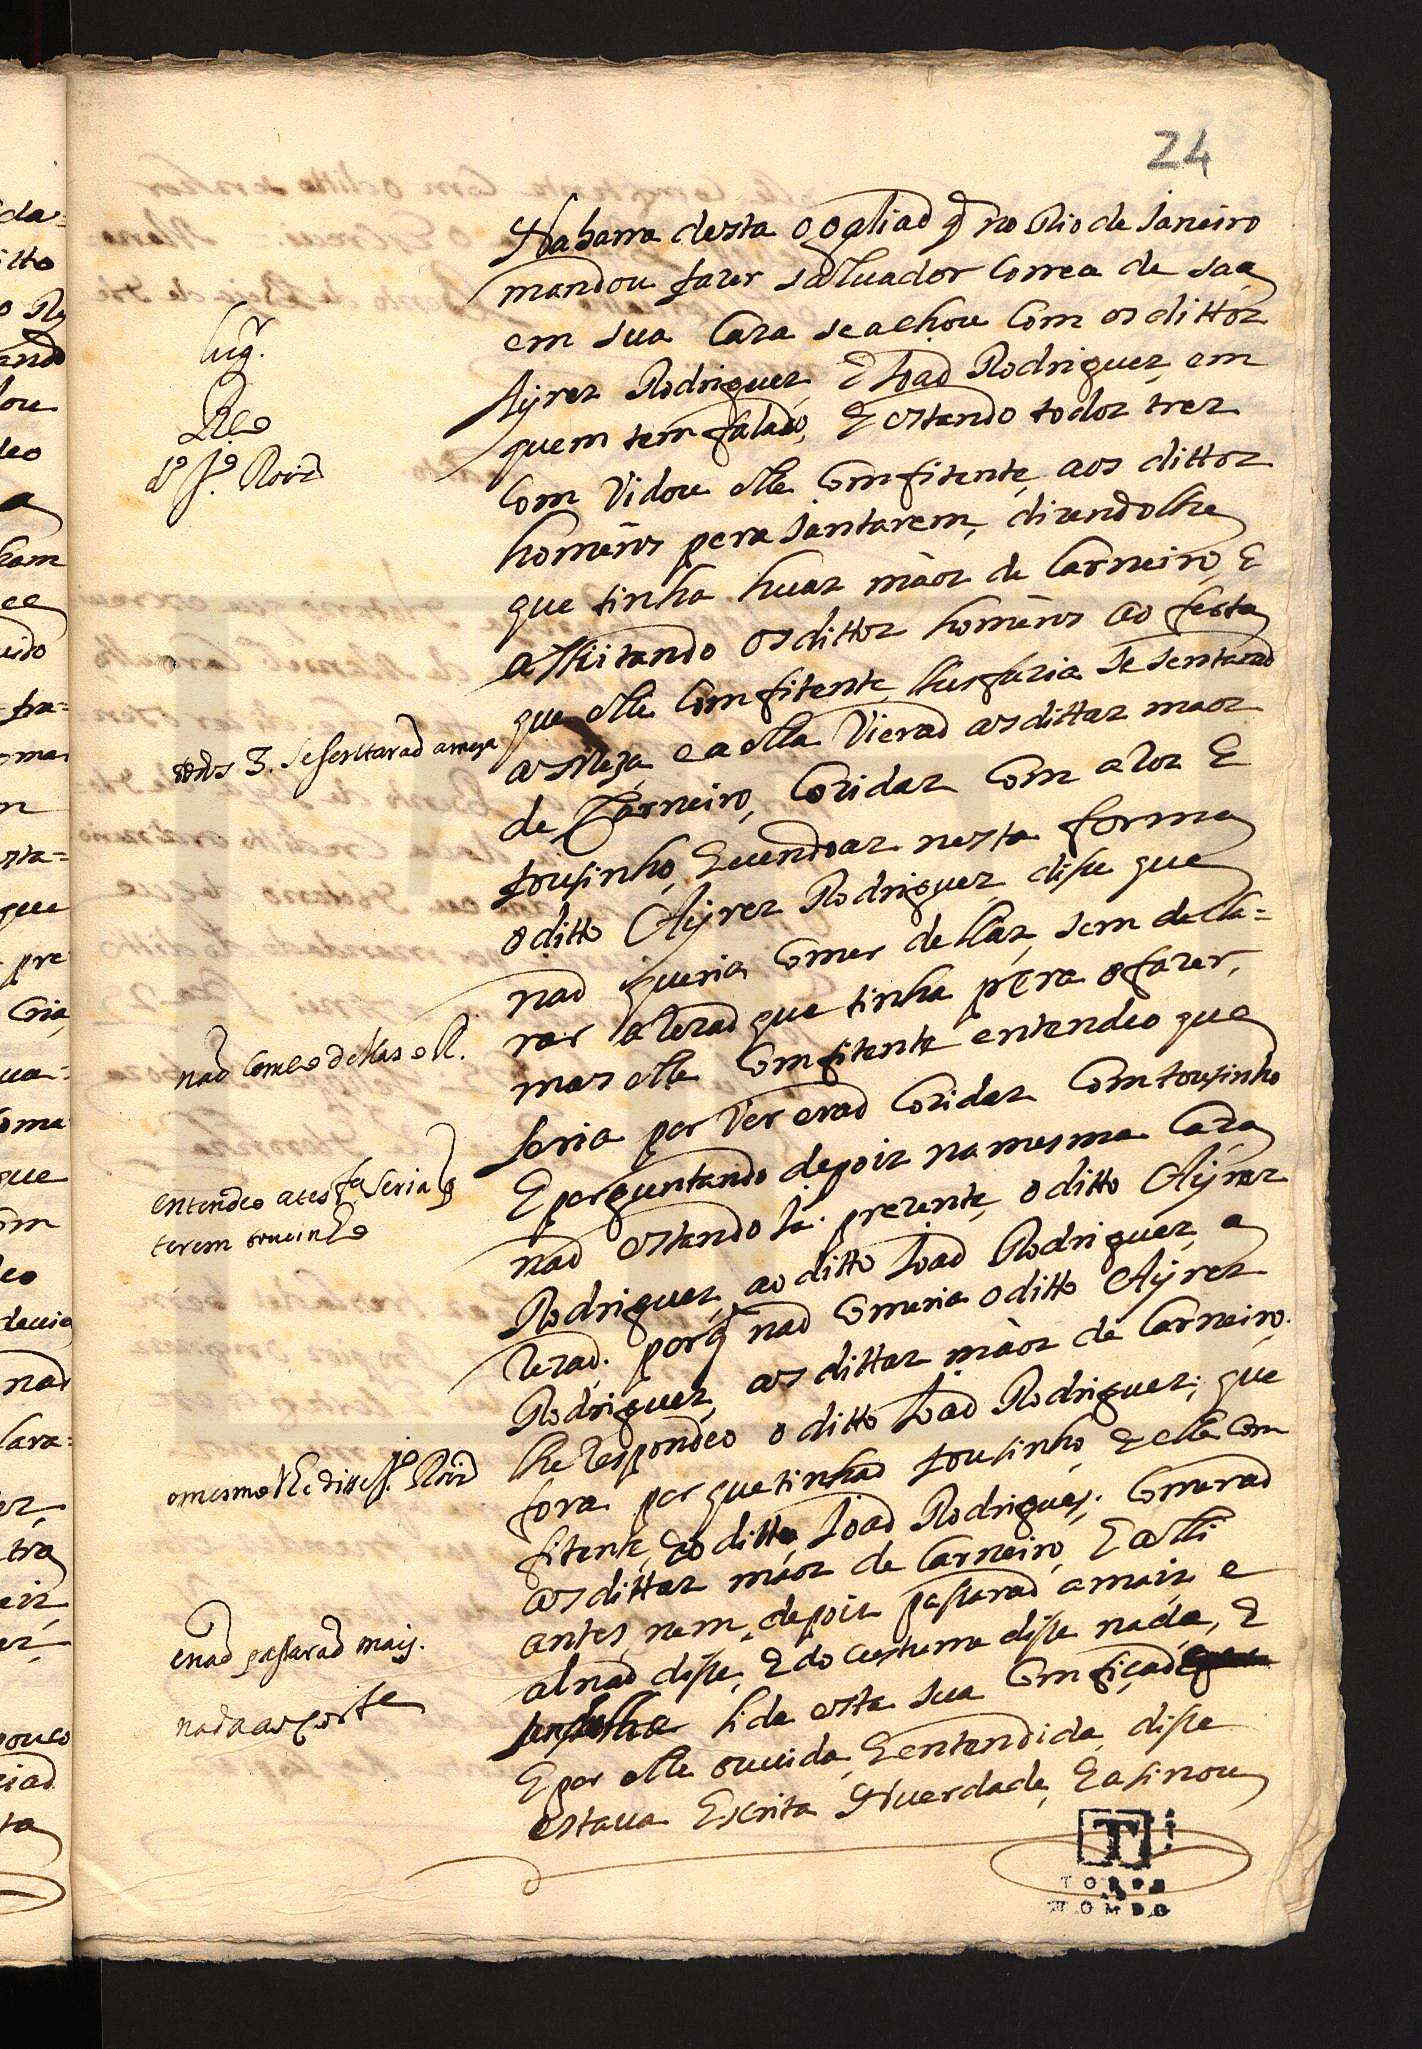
Na barra desta o galiaõ q̄ no Rio de Ianeiro
mandou fazer saluador correa de saa,
em sua Caza se achou Com os dittoz
Ayrez Rodriguez, E Ioaõ Rodriguez, em
quem tem falado, E estando todoz trez
ComVidou elle Comfitente, aos dittoz
homeñs pera iantarem, dizendolhe
que tinha huaz mãoz de Carneiro, E
asseitando os dittoz homenñz a oferta
que elle Comfitente, lhes fazia se sentaraõ
a Meza, e a ella Vieraõ as dittaz maoz
de Carneiro, Cozidaz Com aRoz E
tousinho, E uendoaz nesta forma
o ditto Ayrez Rodriguez, disse que
naõ queria comer dellaz, sem decla
rar a rezaõ que tinha pera o fazer,
mas elle comfitente entendeo que
seria por Ver eraõ Cozidas Com tousinho
E perguntando depoiz na mesma Caza,
naõ estando Ia. prezente, o ditto Ayrez
Rodriguez, ao ditto Ioaõ Rodriguez, a
Rezaõ; porqe naõ comeria o ditto Ayrez
Rodriguez, as dittas mãoz de Carneiro;
lhe respondeo o ditto Ioaõ Rodriguez; que
fora porque tinhaõ tousinho, E elle com
fitente, E o ditto Ioaõ Rodrigues; comeraõ
as dittaz maoz de Carneiro, E alli
antes, nem depois passaraõ a maiz, e
al naõ disse, E do custume disse nada, E
sendolhe lida esta sua Comfiçaõ ___
E por elle ouuida, E entendida, disse
estaua Escrita de uerdade, E asinou
lugr.
Reo
do J.o Roiz̄
todos 3 se sentaraõ a meza
naõ comeo dellas o R.
entendeo a testa. seria ꝓ
terem toucinho
o mesmo lhe disse J.o Roiz̄
e naõ passaraõ mais.
nada ao coste
